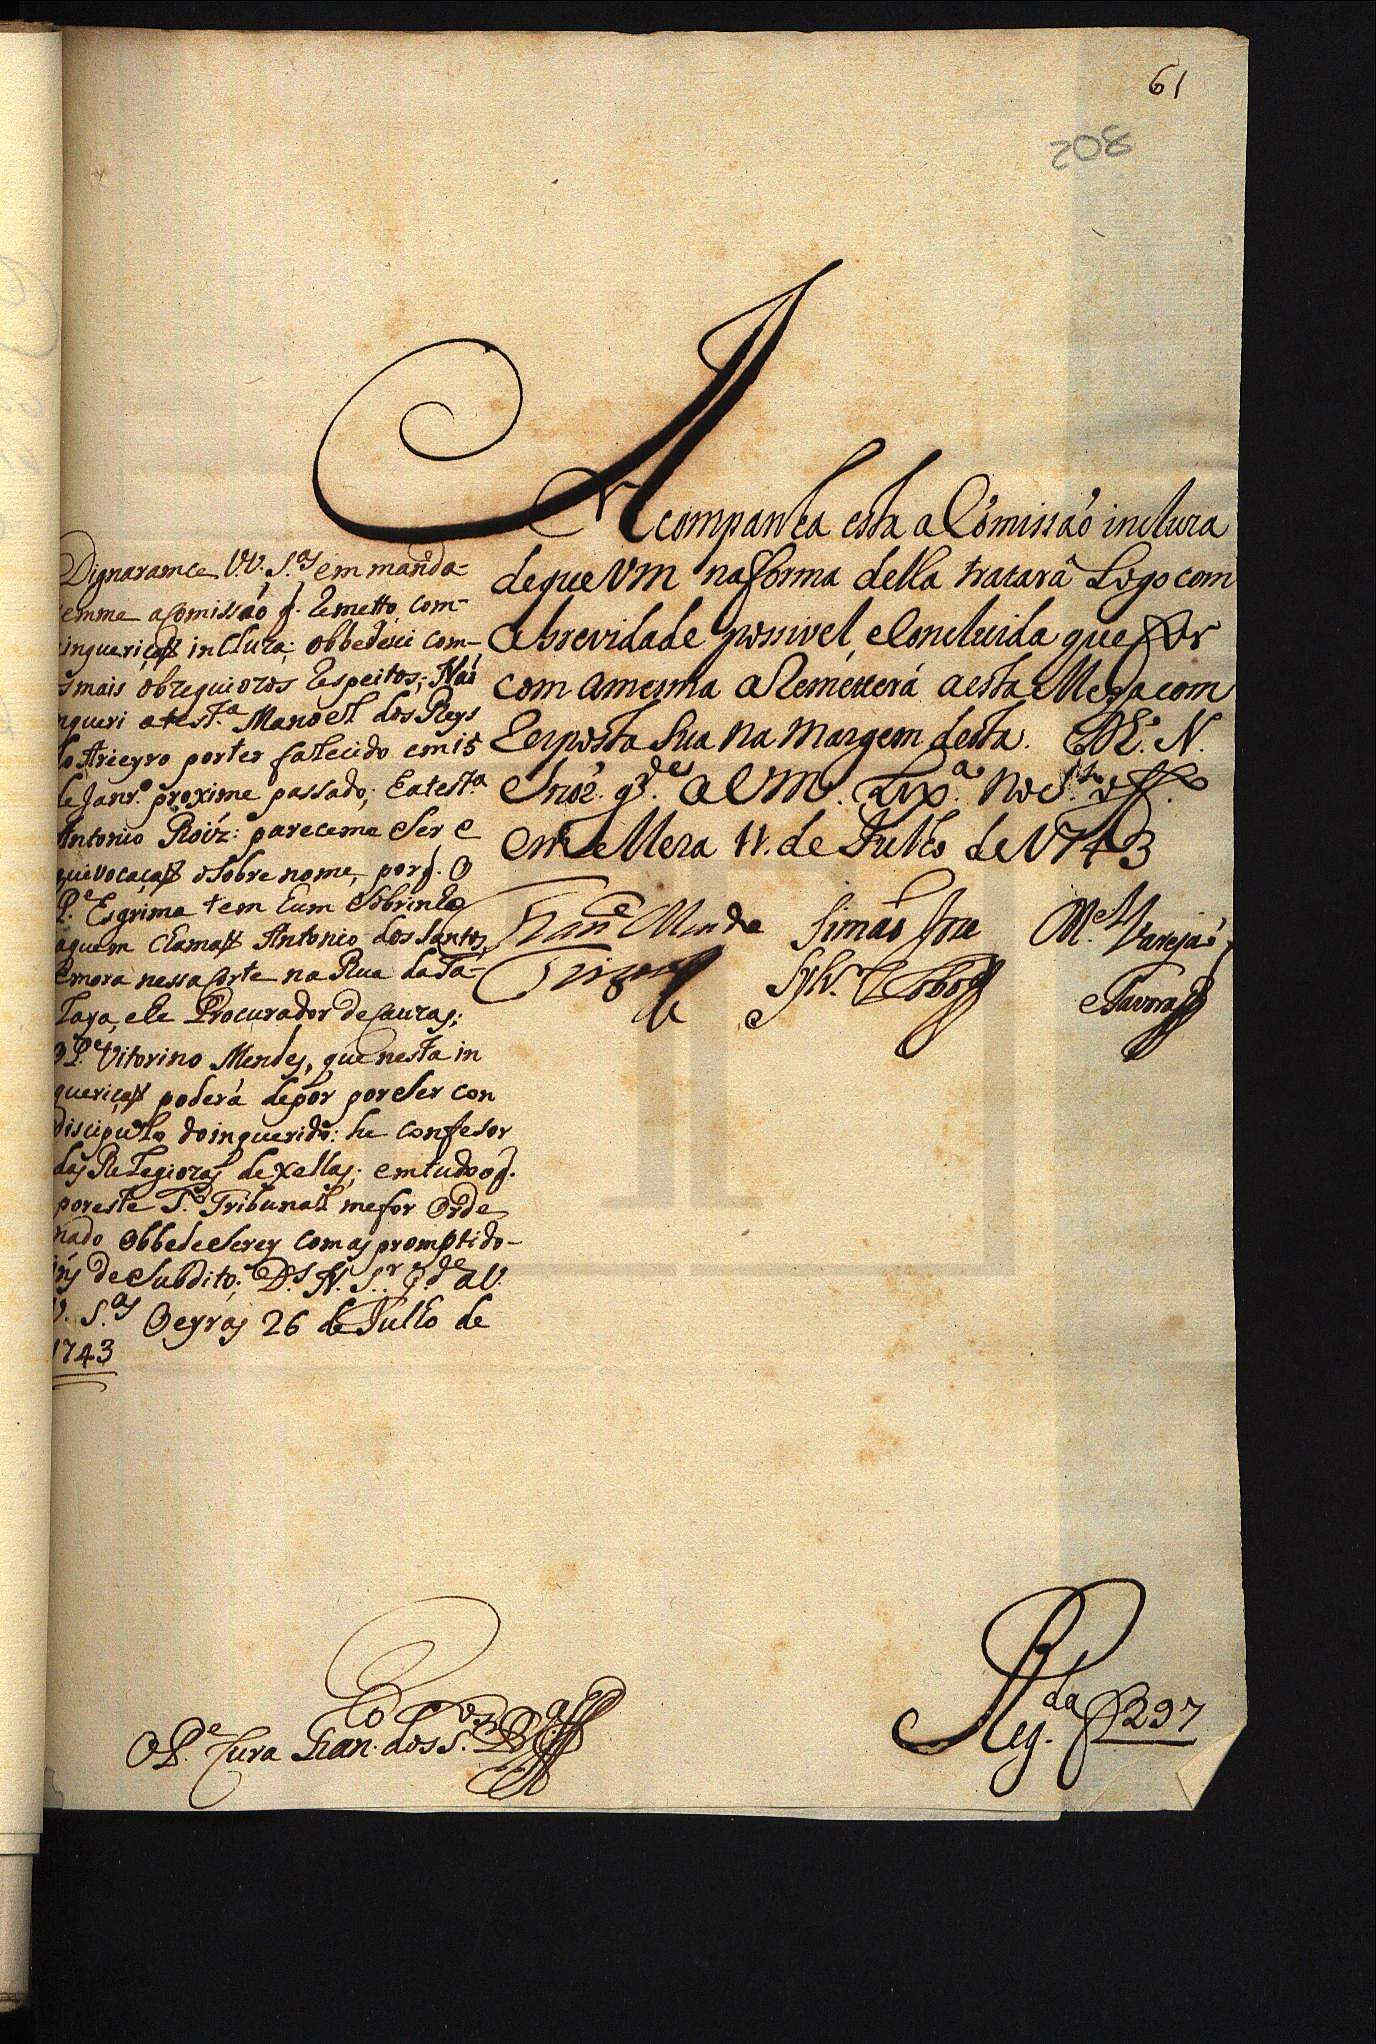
61
Acompanha esta a Cōmissaõ incluza
de que vm na forma della tratará Logo com
a brevidade possivel, e Concluida, que for
com a mesma a Remetterá a esta Meza com
Resposta Sua na margem desta. Dh.o N.
Snor̄. g.de a VM. Lix.a No S.to off.o
em Meza 11. de Iulho de 1743
Franco Mendo
Trigoso
Simaõ Joze
Sylv.r Lobo
M.el Varejaõ
e Tavora
Dignaramce V.V. S.as em manda
emme a Comissaõ q̄. Remetto, com
inqueriçaõ incluza; obbedesci com
s mais obzequiozos Respeitos; Naõ
nqueri a test.a Manoel dos Reys
do Arieyro por ter falecido em i5
de Janr.o proxime passado; E a test.a
Antonio Roiz̄: pareceme Ser e
quivocaçaõ o sobrenome, porq̄. o
P.e Esgrima tem hum Sobrinho
a quem chamaõ Antonio dos Santos
E mora nessa Corte na Rua daTa
Laya, e he Procurador de Cauzas;
o P.e Vitorino Mendes, que nesta in
queriçaõ poderá depor por Ser con
discipulo do inquerido: he confesor
das Relegiozas de xellas; em tudo o q̄.
por este S.to Tribunal me for orde
nado obbedeSerey com as promptido
in̄s de Subdito; D.s N. S.r G.de a V.
V. S.as Oeyras 26 de Iulho de
1743
Reg.da fl 297
O P.e Cura Fran.Co dos S.tos Pr.a
